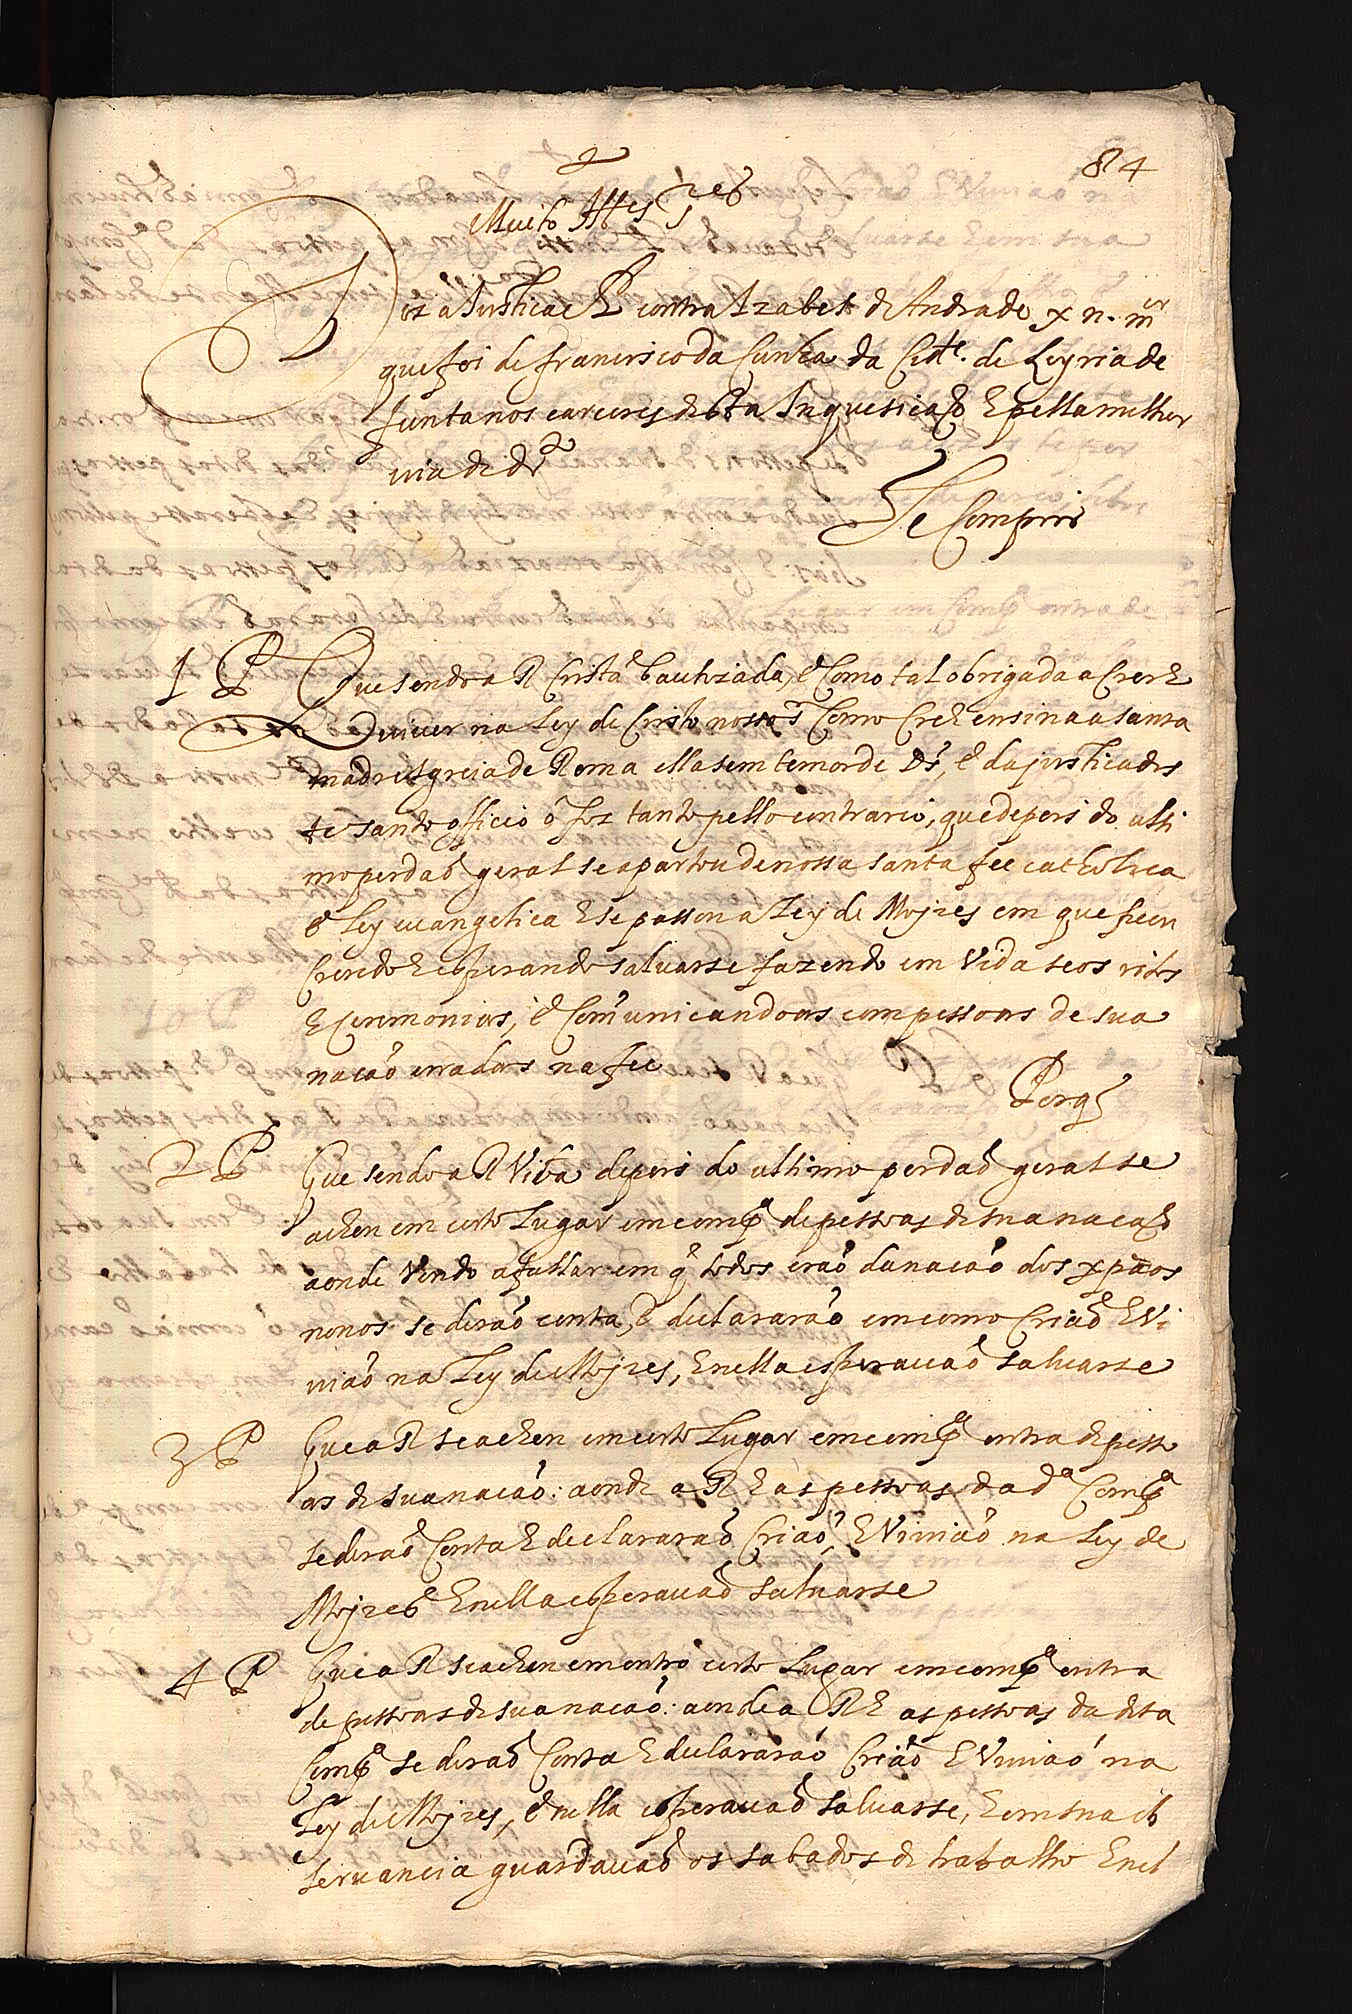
Muito Il̄les sres
Diz a Iustica A contra Izabel de Andrade x n mer
que foi de francisco da Cunha da cid̄e. de Leyria de
funta nos cerceres esta Inquisicaõ E pella melhor
uia de drto
E se Comprir
1 P Que sendo a R Cristā bautizada, & Como tal obrigada a Crer E
uiuer na Ley de Cristo nosso sr Como Cre E ensina a santa
madre Igreia de Roma ella sem temor de Ds̄, & da justica des
te santo officio o fez tanto pello contrario, que depois do ulti
mo perdaõ geral se apartou de nossa santa fee catholica
& Ley euangelica E se passou a Ley de Mojzes em que ficou
Crendo E esperando saluarse fazendo em Vida seos ritos
E Cerimonias, & Com̄unicandoas com pessoas de sua
nacaõ erradas na fee
Porq̄
2 P Que sendo a R Viva depois do ultimo perdaõ geral se
achou em certo Lugar em compa de pessoas de sua nacaõ
aonde Vindo a fallar em q̄ todos eraõ da nacaõ dos xpãos
nouos se deraõ conta, & declararaõ em como Criaõ E Vi
uiaõ na Ley de Mojzes, E nella esperauaõ saluarse
3 P Que a R se achou em certo Lugar em compa outra de pesso
as de sua nacaõ : aonde a R E as pessoas da da Compa
se deraõ Conta E declararaõ Criaõ, E Viuiaõ na Ley de
Mojzes E nella esperauaõ saluarse
4 P Que a R se achou em outro certo Lugar em compa outra
de pessoas de sua nacaõ : aonde a R E as pessoas da dita
Compa se deraõ Conta E declararaõ Criaõ E Viuiaõ na
Ley de Mojzes, & nella esperauaõ saluarse, E em sua ob
seruancia guardauaõ os sabados de trabalho E nel
